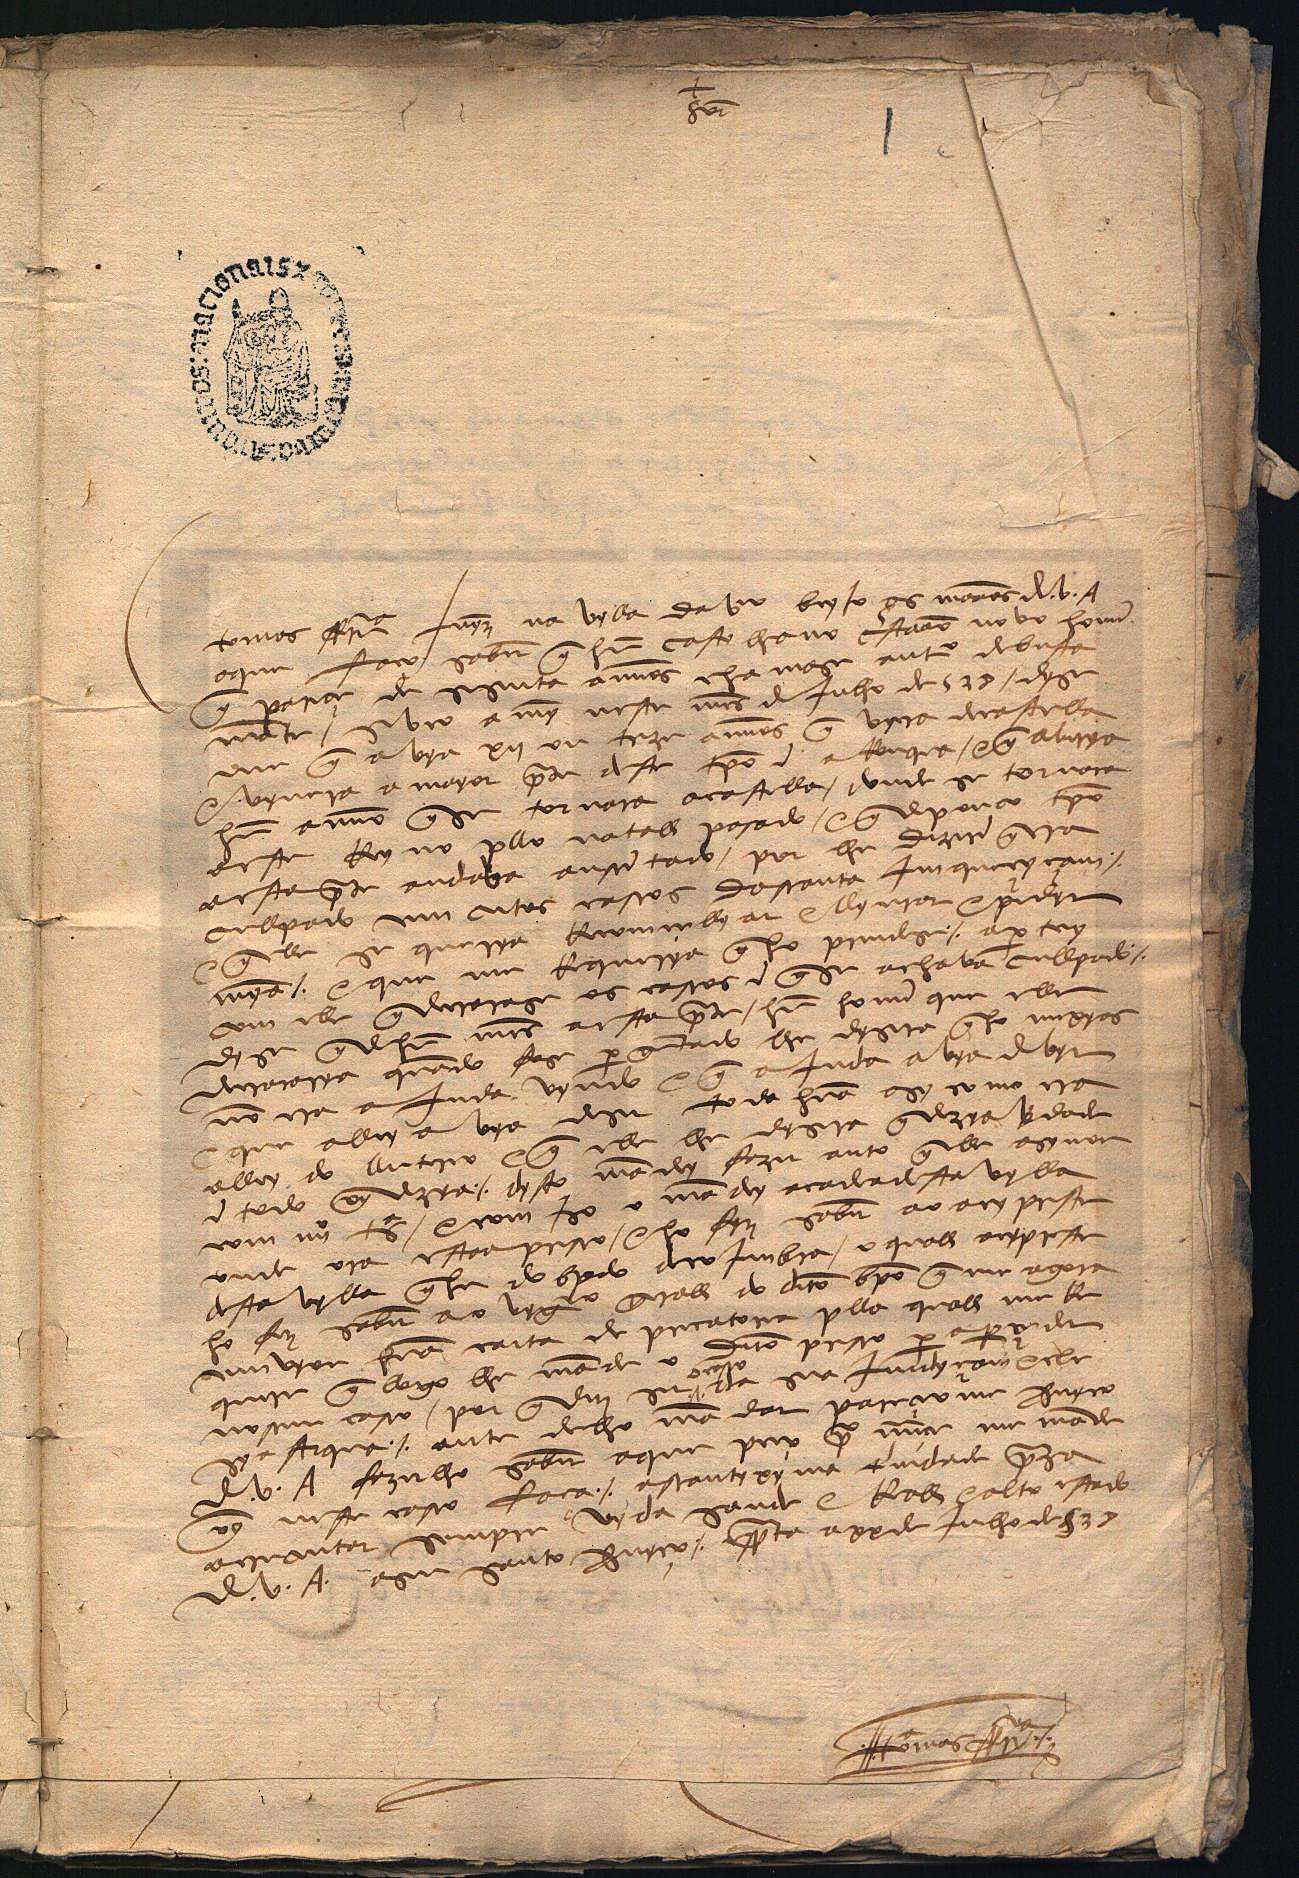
Sōr
tomas fferrra Juȳz na vylla davro beyJo as maãos de v. A
a que faço sab̄er q̄ hū castelhano c̄staão novo homē
q̄ pareçe de sesenta an̄nos chamase anto de busta
m̄ate / se veo a m̄y neste m̄es de Julho de 538 / dyse
me q̄ avya xij ou treze an̄nos q̄ vyera de castella
e vyuera a mayor p̄te deste tp̄o ē aRouqua / e q̄ averya
hū an̄no q̄ se tornara a castella / donde se tornara
a este Reyno pllo natall pasado / e q̄ de pouco tp̄o
a esta p̄te andava ausētado / por lhe dizerē q̄ era
cullpado em certos casos da santa Jmqueçyçam ./.
e q̄ elle se querya Recomçellyar e llyurar e pidyr
m̄ya ./. e que me Requerya q̄ ho prendese ./. aꝑtey
com elle q̄ decrarase os casos ē q̄ se achava cullpado ./.
dyse q̄ de hū m̄es a esta p̄te / hū homē que elle
decrararya qūado fose ꝑgūtado lhe dysera q̄ ho mexyas
n̄o era aJnda vyndo e q̄ aJnda avya de vyr
e que a lley avya de ser toda hūa asy como era
a lley do llutereo e q̄ elle lhe dysera q̄ dezya ꝟdade
ē todo o q̄ dezya ./. dysto m̄adey fazer auto q̄ elle asynou
com iiijo tas / e com Jso o m̄adey a cadea desta vylla
onde ora estaa preso / e ho fyz sāber ao acypreste
desta vylla q̄ he do bpdo de coJmbra / o quall acypreste
ho fez sāber ao vygro gerall do dīto b̄po q̄ me agora
emvyou hūa carta deprecatoria plla quall me Re
quere q̄ llogo lhe m̄ade o dīto preso ꝑa ꝑçeder
no seu caso / por q̄ diz ser
o caso
da sua Jurdyçam ecle
syastiqua ./. ante de lho m̄adar pareçeo me ꞩuyco
de .v. A fazer lho sāber a que peço p̄o m̄çee me māde
o q̄ neste casso faça ./. a ssantyxyma timdade p̄za
acrecentar sempre vyda saude e Reall e alto estado
de .V. A. a seu santo ꞩuyço ./. esp̄ta a xx de Julho de 538
tomas ffrrra
